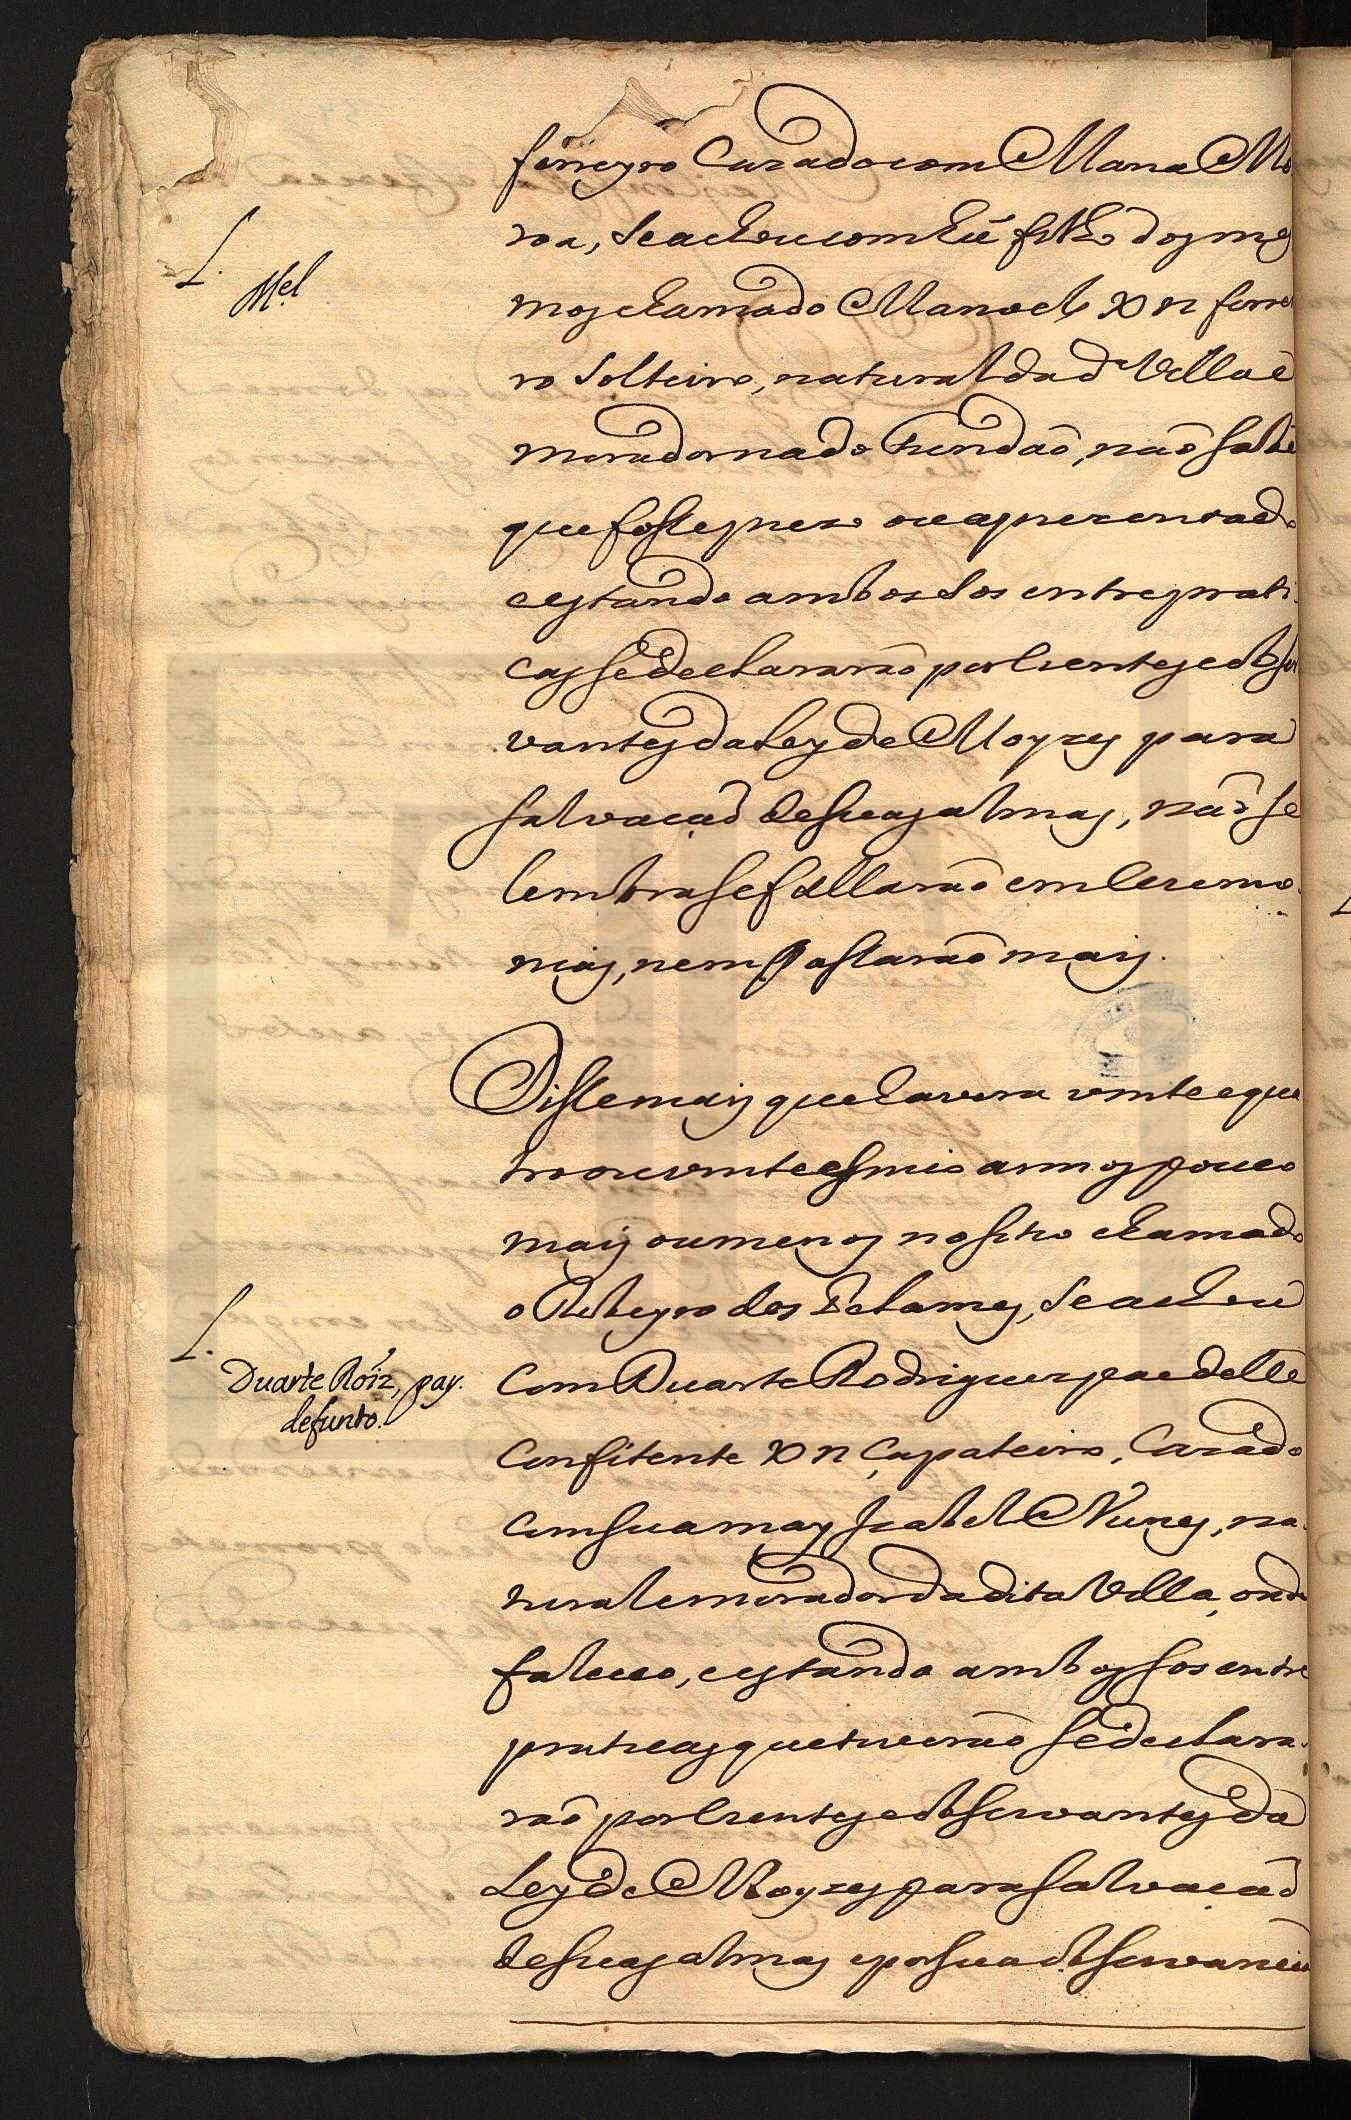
M.el
L.
Duarte Roīz, pay.
L.
defunto.
janeyro Cazado com Maria Mo
roa, se achou com hū filho dos mes
mos chamado Manoel xn ferrei
ro solteiro, natural da da villa e
morador na do Fundaõ, naõ sabe
que fosse prezo ou aprezentado
e estando amboz sos entre prati
cas se declararaõ por Crentes e obser
vantes da Ley de Moyzes para
salvaçaõ de suas almas, naõ se
lembra se fallaraõ em Ceremo
nias, nem passaraõ mais.
Disse mais que havera vinte e qua
tro ou vinte e sinco annos pouco
mais ou menos no sitio chamado
o Ribeyro dos Pelames, se achou
Com Duarte Rodriguez pae delle
Confitente xn çapateiro, Cazado
com sua may Jzabel Nunes, na
tural e morador da dita villa, onde
faleceo, e estando ambos sos entre
praticas que tiveraõ se declara
raõ por Crentes e observantes da
Ley de Moyzes para salvaçaõ
de suas almas e por sua observancia
